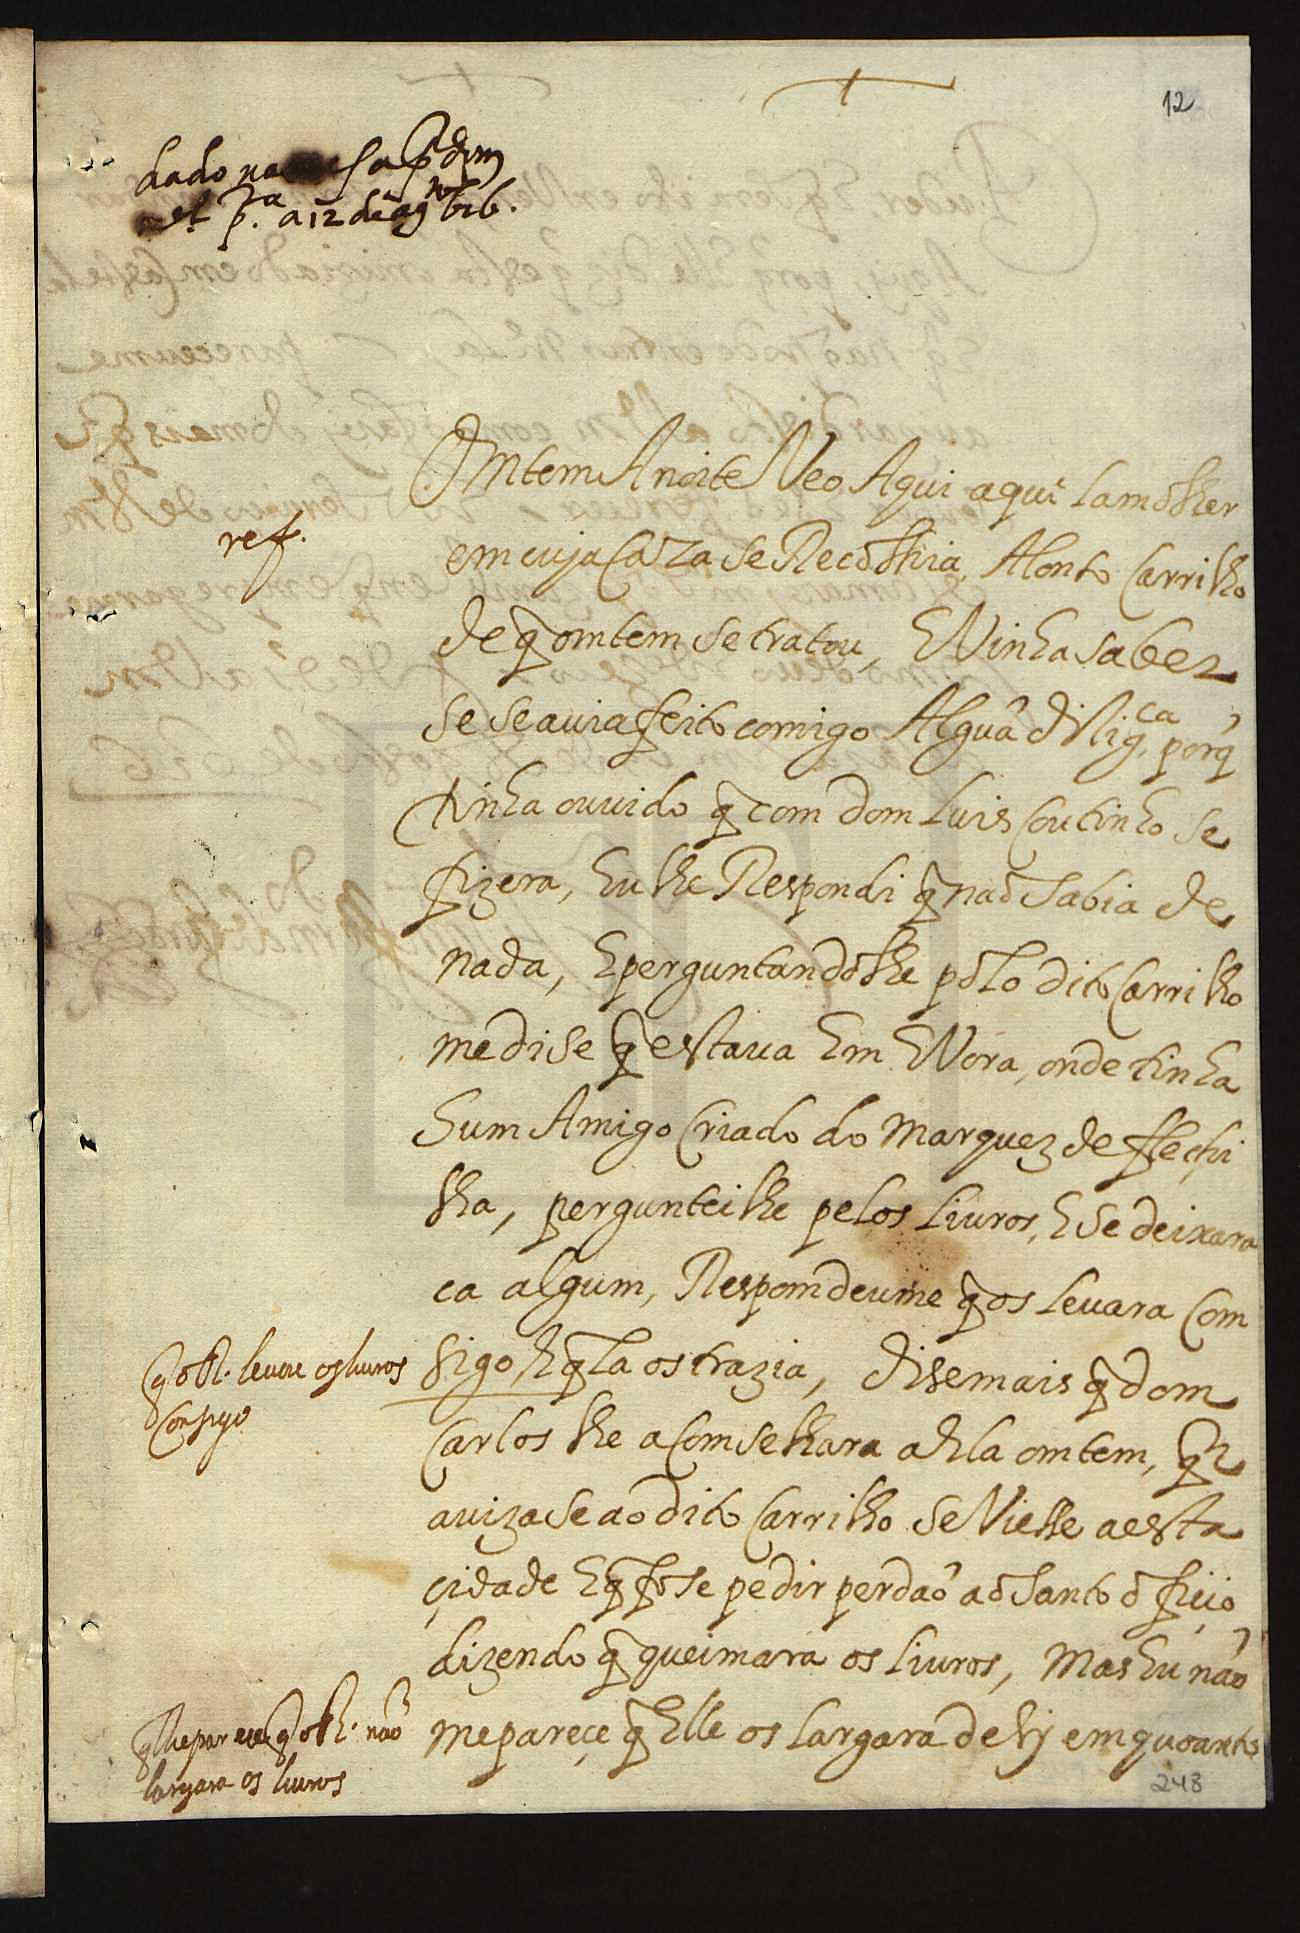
dado na _esa p̄ dom
mel p.ra a 12 de agto 616
Omtem A noite Veo Aqui aquela molher
ref.
em cuja Caza Se Recolhia, Alonso Carrilho
de q̄ omtem Se tratou, E Vinha saber
Se Se auia feito comigo Alguā dilig.ça porq̄
tinha ouuido q̄ com dom Luis Coutinho Se
fizera, Eu lhe Respondi q̄ naõ Sabia de
nada, E perguntandolhe polo dito Carrilho
me diSe q̄ estaua Em EVora, onde tinha
hum Amigo Criado do marquez de flechi
lha, perguntei lhe pelos Liuros, E Se deixara
ca algum, Respomdeume q̄ os leuara Com
q̄ o R. leuou os liuros
Consigo
Sigo, E q̄ la os trazia, dise mais q̄ dom
Carlos lhe aComselhara a Ela omtem, q̄
auizaSe ao dito Carrilho Se Viesse a esta
cidade E q̄ fose pedir perdaõ ao Santo oficio
dizendo q̄ queimara os liuros, mas Eu não
me parece q̄ Elle os largara de sy emquoanto
q̄ lhe parece q̄ o R. naõ
largara os liuros
